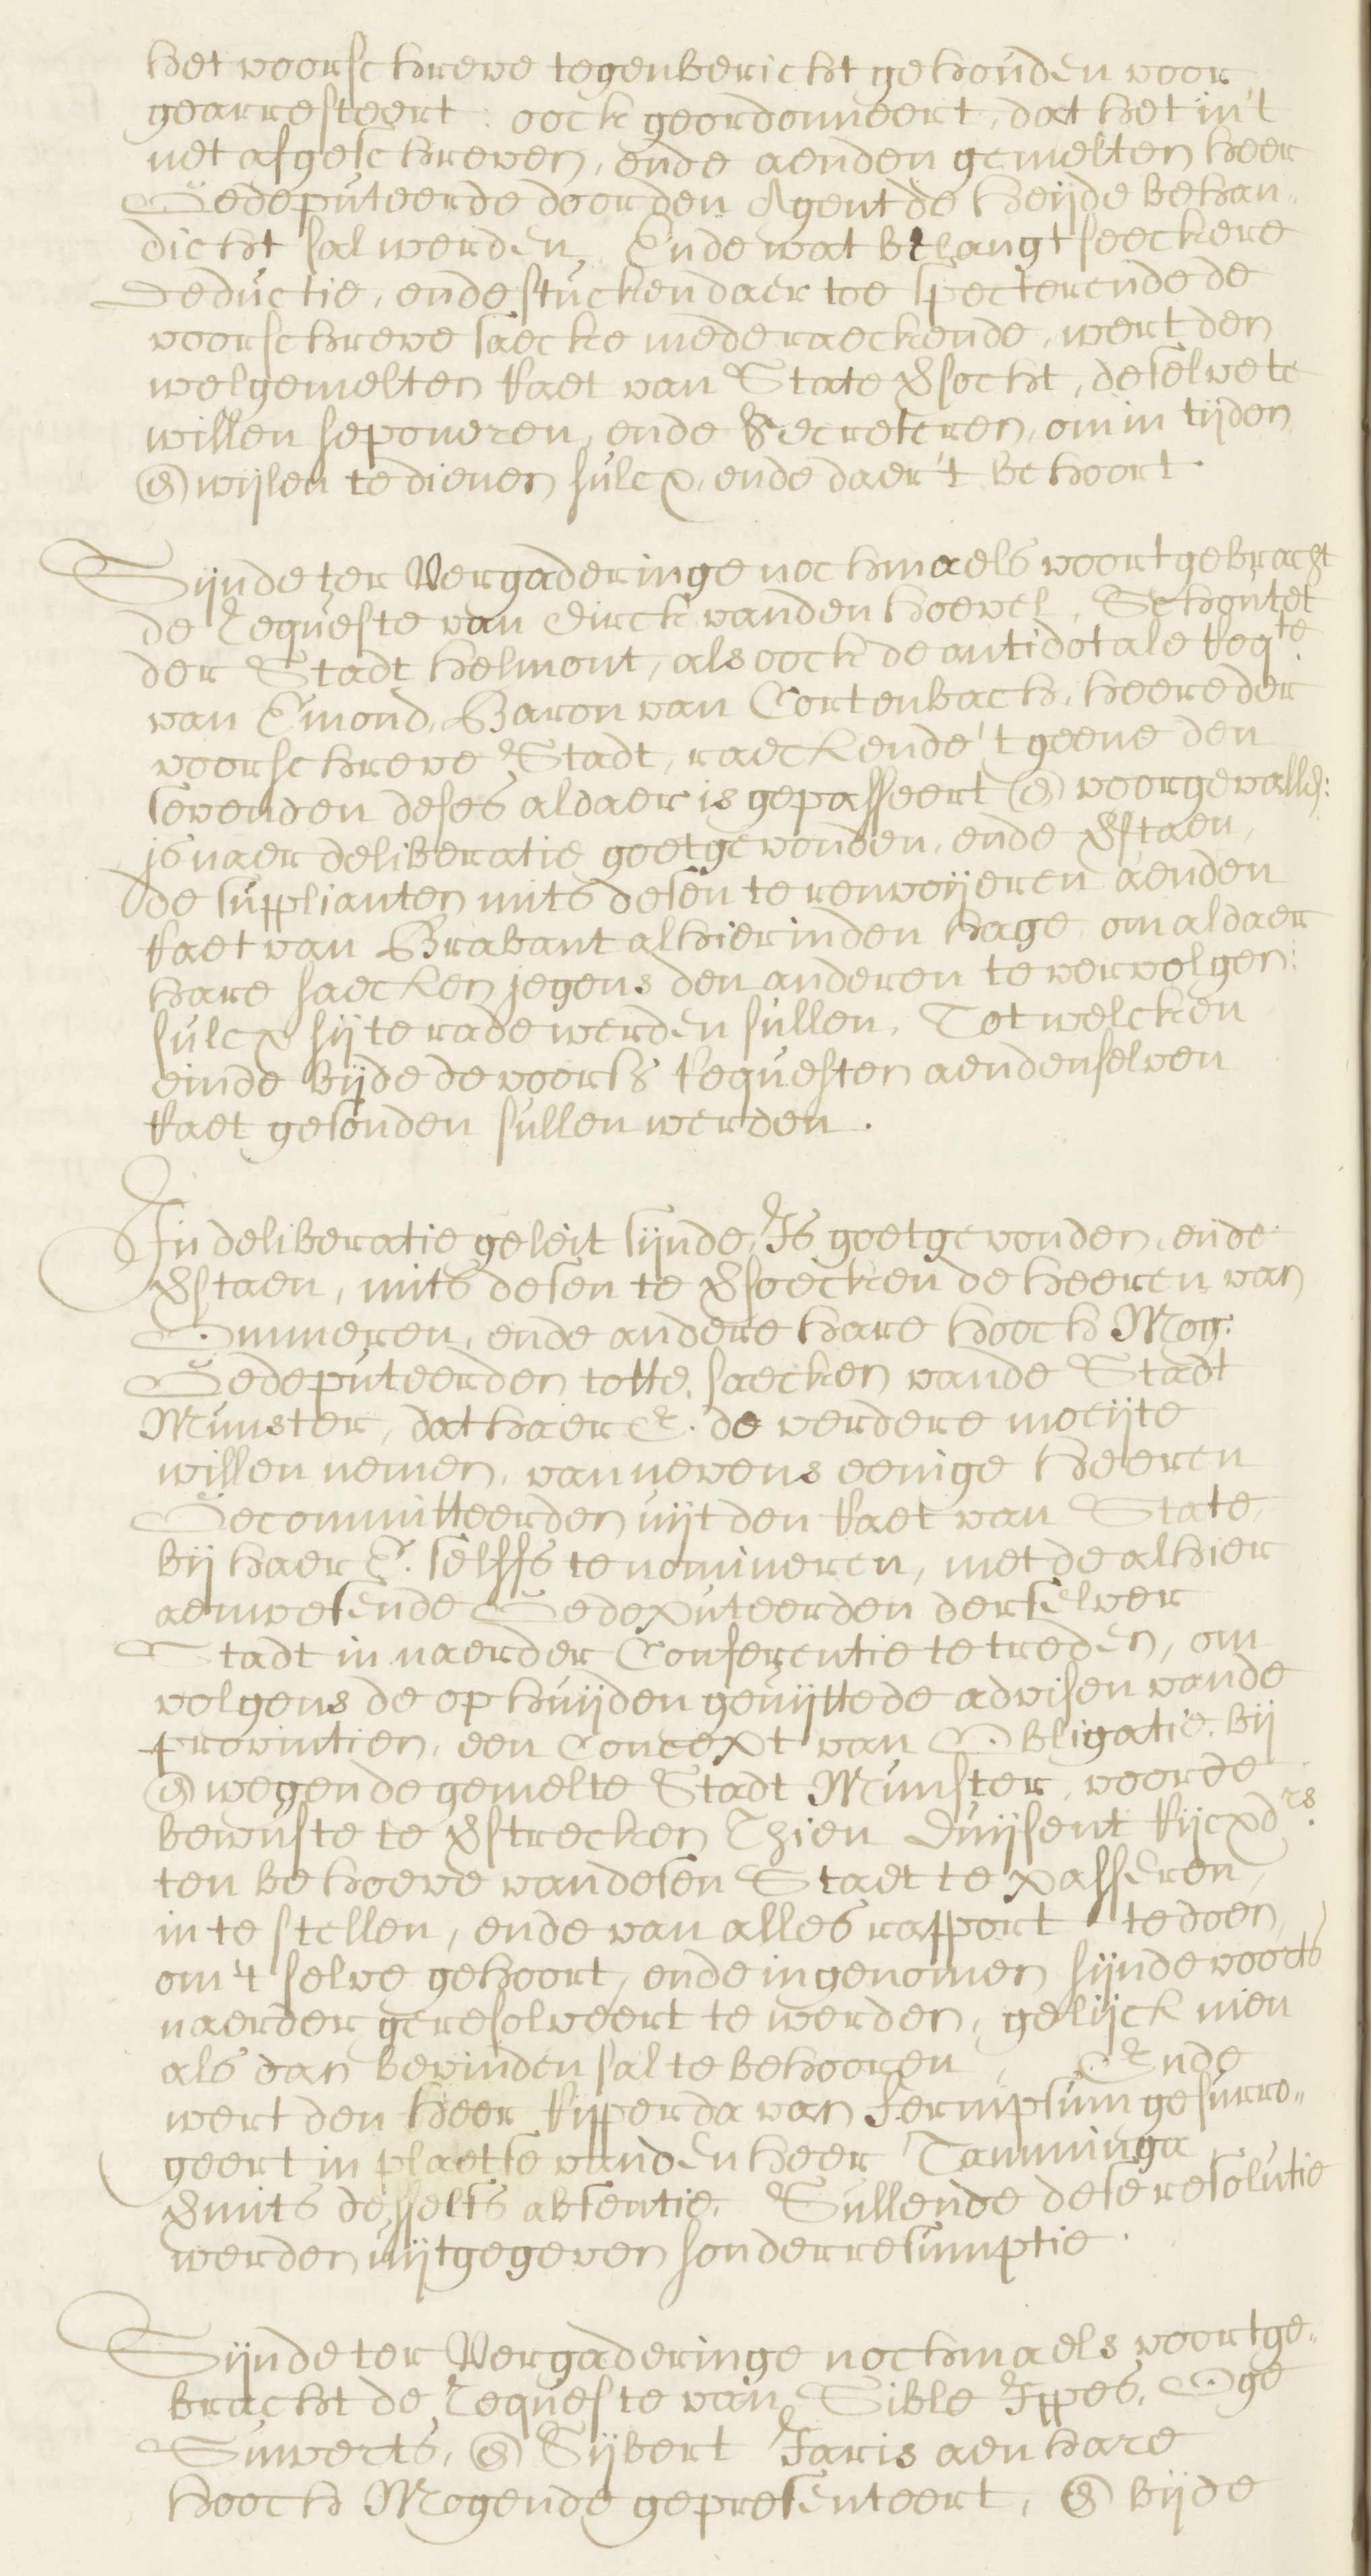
het voorschreve tegenbericht gehouden voor
gearresteert: oock geordonneert, dat het in't
net afgeschreven, ende aenden gemelten heer
Gedeputeerde door den Agent de Heijde behan,,
dicht sal werden. Ende wat belangt seeckere
deductie, ende stucken daer toe specterende de
voorschreve saecke mede raeckende, wert den
welgemelten Raet van State vsocht, deselve te
willen seponeren ende secreteren, om in tijden
& wijlen te dienen sulcx, ende daer't behoort.
Sijnde ter Vergaderinge nochmaels voortgebracht
de requeste van dirck vanden hoevel, Schoutet
der Stadt helmont, als oock de antidotale Reqte
van Emond, Baron van Cortenbach, heere der
voorschreve Stadt, raeckende 't geene den
sevenden deses aldaer is gepasseert & voorgevallen:
is naer deliberatie goetgevonden, ende vstaen,
de supplianten mits desen te renvoijeren aenden
Raet van Brabant alhier inden hage, om aldaer
hare saecken jegens den anderen te vervolgen:
sulcx sij te rade werden sullen, Tot welcken
einde bijde de voors Requesten aen denselven
Raet gesonden sullen werden.
In deliberatie geleit sijnde, Is goetgevonden, ende
vstaen, mits desen te vsoecken de heeren van
Ommeren, ende andere hare hooch Mog:
Gedeputeerden totte saecken vande Stadt
Munster, dat haer E. de verdere moeijte
willen nemen, van nevens eenige Heeren
Gecommitteerden uijt den Raet van State,
bij haer E. selffs te nomineren, met de alhier
aenwesende Gedeputeerden derselver
Stadt in naerder Conferentie te treden, om
volgens de op huijden geuijtte de advisen vande
provintien, een concept van Obligatie, bij
& wegen de gemelte Stadt Munster, voorde
bewuste te vstrecken Thien Duijsent Rijcxdrs.
ten behoeve van desen Staet te passeren,
in te stellen, ende van alles rapport te doen,
om 't selve gehoort, ende ingenomen sijnde voorts
naerder geresolveert te werden, gelijck men
als dan bevinden sal te behooren. Ende
wert den Heer Ripperda van Fermpsum gesurro,,
geert in plaetse vanden heer Tamminga
vmits desselfs absentie. Sullende dese resolutie
werden uijtgegeven sonder resumptie
Sijnde ter Vergaderinge nochmaels voortge„,
bracht de requeste van Tibbe Ippes, Oge
Suwerts, & Sijbert Jaris aen hare
Hooch Mogende gepresenteert, & bijde
